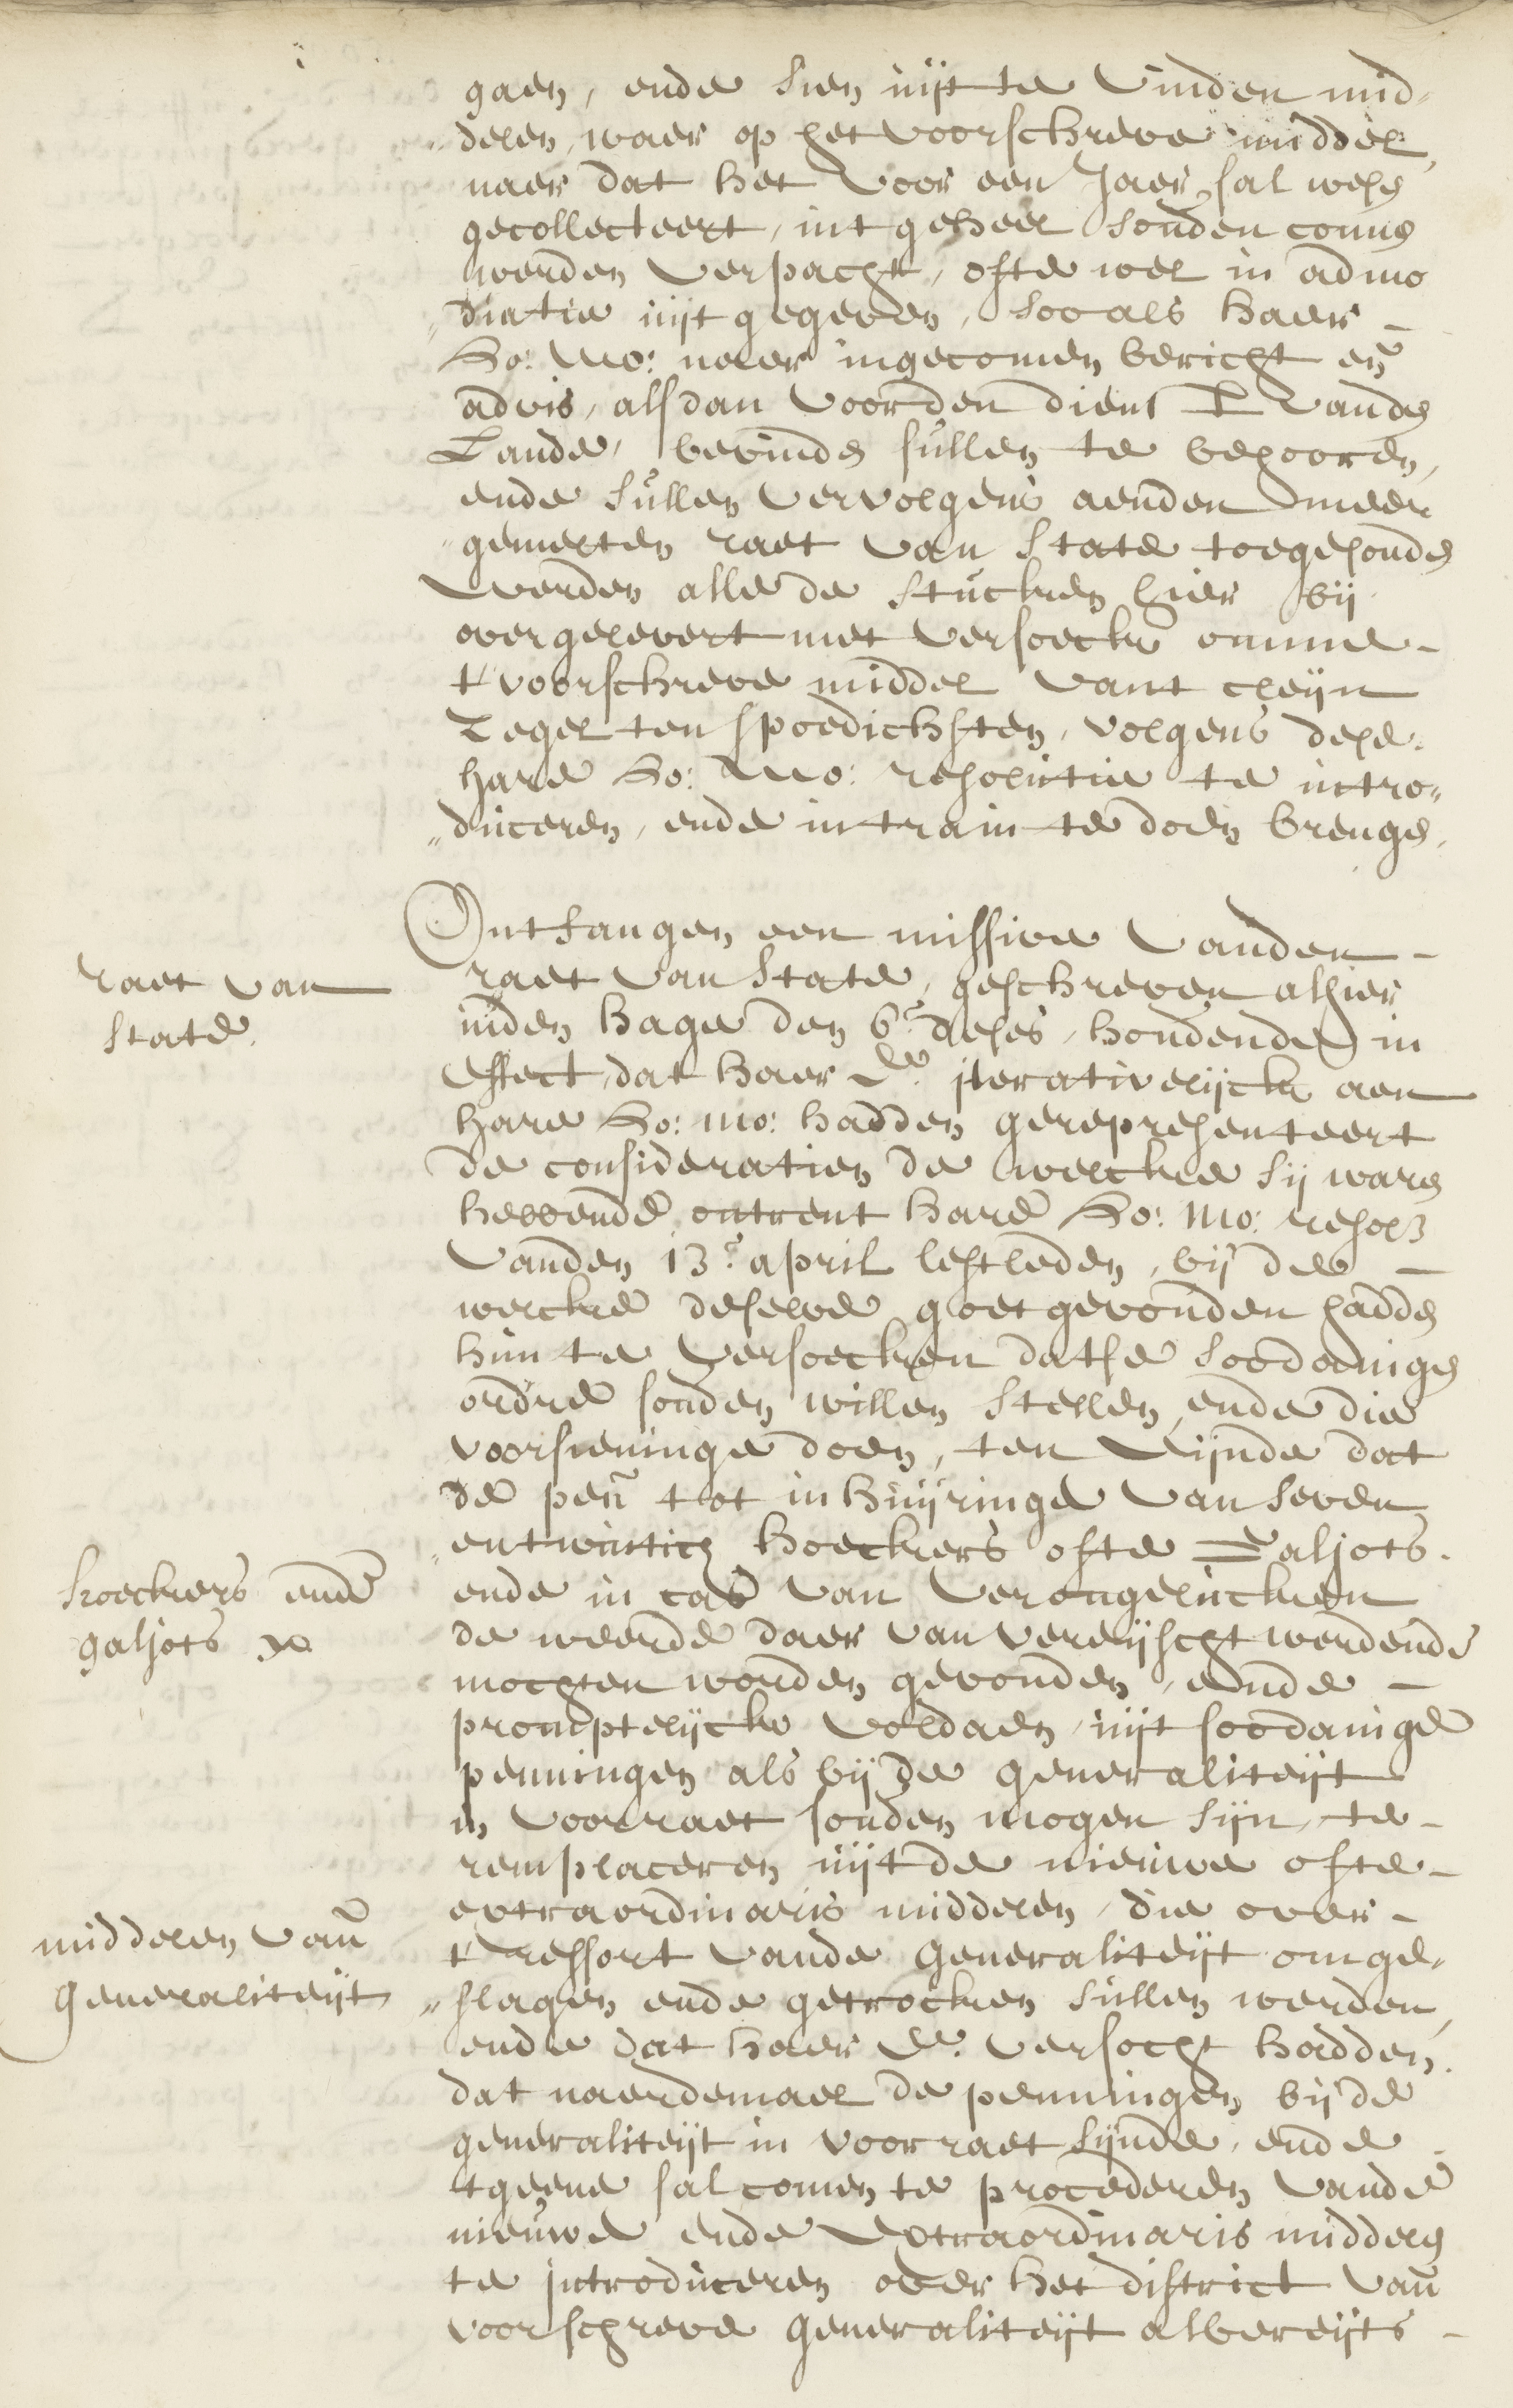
gaen, ende sien uijt te vinden mid„
delen, waer op het voorschreve middel
naer dat het voor een Jaer sal wesen
gecollecteert, int geheel souden connen
worden verpacht, ofte wel in admo
diatie uijt gegeven, soo als haer
Ho:Mo: naer ingecomen bericht en
advis, alsdan voorden dienst van den
Lande, bevinden sullen te behooren,
ende sullen vervolgens aenden meer
gemelten raet van State toegesonden
werden alle de stucken hier bij
overgelevert met versoecke omme
t'voorschreve middel vant cleijn
zegel ten spoedichsten, volgens dese
hare Ho:Mo: resolutie te intro„
duceren ende intrain te doen brengen.
raet van
State
hoeckers ende
galjots p.
middelen vand.
generaliteijt
Ontfangen een missive vanden
raet van State, geschreven alhier
inden Hage den 6e deses, houdende in
effect dat haer E. iterativelijck aen
hare Ho:Mo: hadden gerepresenteert
de consideratien de welcke sij waren
hebbende ontrent haere Ho:Mo: resol
vanden 13e april lestleden, bij de —
welcke deselve goet gevonden hadden
hun te versoecken datse soodanige
ordre souden willen stellen, ende die
voorsieninge doen, ten Eijnde dat
vade pen tot inhuijringe van seven„
entwintich hoeckers ofte Galjots,
ende in cas van verongelucken
de weerde daer van vereijscht werdende
mochten worden gevonden, ende
promptelijck voldaen, uijt soodanige
penningen als bij de generaliteijt
in voorraet souden mogen sijn, te
remplaceren uijt de nieuwe ofte
extraordinaris middelen, die over
t' ressort vande generaliteijt omge„
slagen ende getrocken sullen werden
ende dat haer E. versocht hadden,
dat naerdemael de penningen bij de
generaliteijt in voorraet sijnde, ende
tgeene sal comen te procederen vande
nieuwe ende Extraordinaris middelen
te introduceren over het district van
voorschreve generaliteijt albereijts
